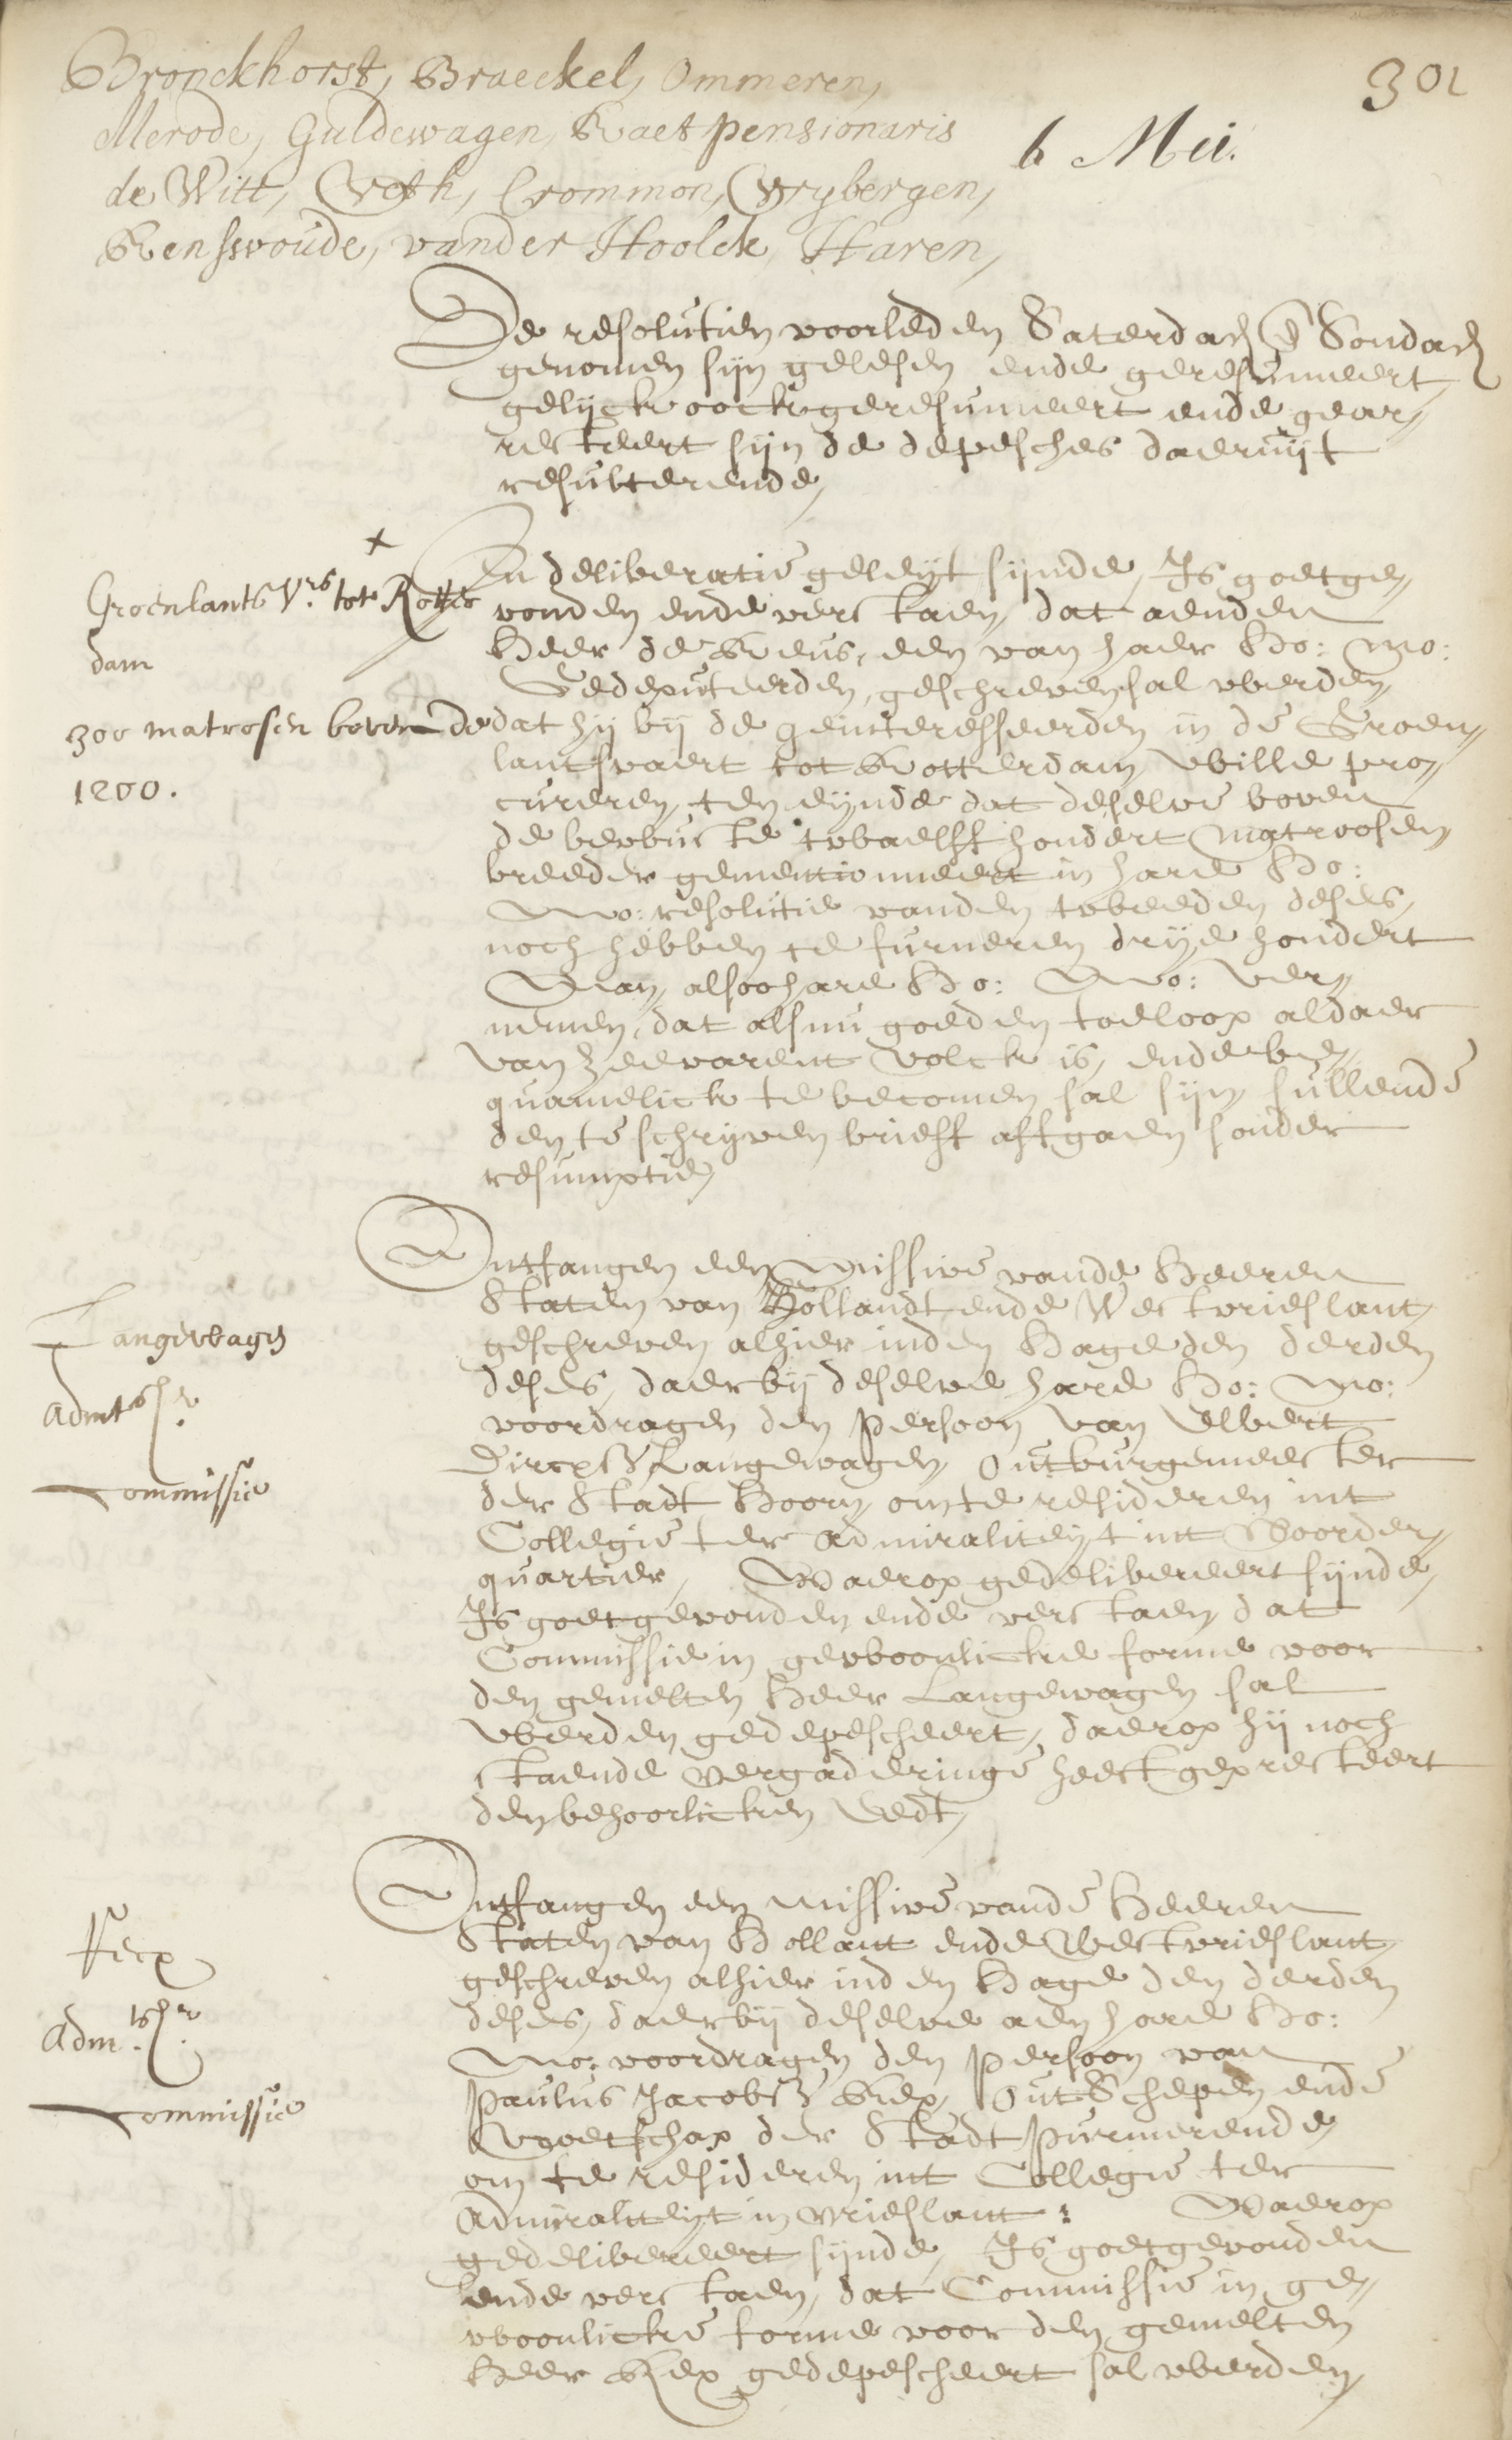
301
6 Mei.
Bronckhorst, Braeckel, Ommeren,
Merode, Guldewagen, Raet pensionaris
de Witt, Veth, Crommon, Vrijbergen,
Renswoude, vander Hoolck, Haren.
De resolutien voorleden Saterdach & Sondach
genomen sijn gelesen ende geresumeert,
gelijck oock geresumeert ende gear,,
resteert sijn de depesches daeruijt
resulterende.
GroenlantsVrs. tot Rotter
dam
300 matrosen boven de
1200.
In deliberatie geleijt sijnde, Is goetge,,
vonden ende verstaen, dat aenden
heer de Reus, een van haer Ho:Mo:
Gedeputeerden, geschreven sal werden,
dat hij bij de geinteresseerden in de Groen,,
lantsvaert tot Rotterdam, wille pro,,
cureren, ten eijnde dat deselve boven
de bewuste twaelff hondert matroosen,
breeder gementionneert in hare Ho:
Mo: resolutie vanden tweeden deses,
noch hebben te furneren drije hondert
Man, alsoo hare Ho:Mo: ver,,
nemen, dat alsnu goeden toeloop aldaer
van zeevarent volck is, ende be,,
quamelick te becomen sal sijn, sullende
den te schrijven brieff affgaen sonder
resumptie.
Langewagen
admtshr.
commissie
Ontfangen een missive vande Heeren
Staten van Hollandt, ende Westvrieslant,
geschreven alhier inden Hage den derden
deses, daerbij deselve hare Ho:Mo:
voordragen den persoon van Elbert
Dircxsz Langewagen, outburgemeester
der Stadt Hoorn, om te resideren int
Collegie ter admiraliteijt int Noorder,,
quartier. Waerop gedelibereert sijnde,
Is goetgevonden ende verstaen, dat
Commissie in gewoonlicke forme voor
den gemelten Heer Langewagen sal
werden gedepescheert, daerop hij noch
staende vergaderinge heeft gepresteert
den behoorlicken Eedt.
Recx
admtshr.
commissie
Ontfangen een missive vande Heeren
Staten van Hollant ende Westvrieslant,
geschreven alhier inden Hage den derden
deses, daerbij deselve aen hare Ho:
Mo: voordragen, den persoon van
Paulus Jacobsz Rex, outSchepen ende
vroetschap der Stadt Purmerende,
om te resideren int Collegie ter
Admiraliteijt in vrieslant: Waerop
gedelibereert sijnde, Is goetgevonden
ende verstaen, dat Commissie in ge,,
woonlicke forme voor den gemelten
Heer Rex gedepescheert sal werden,
